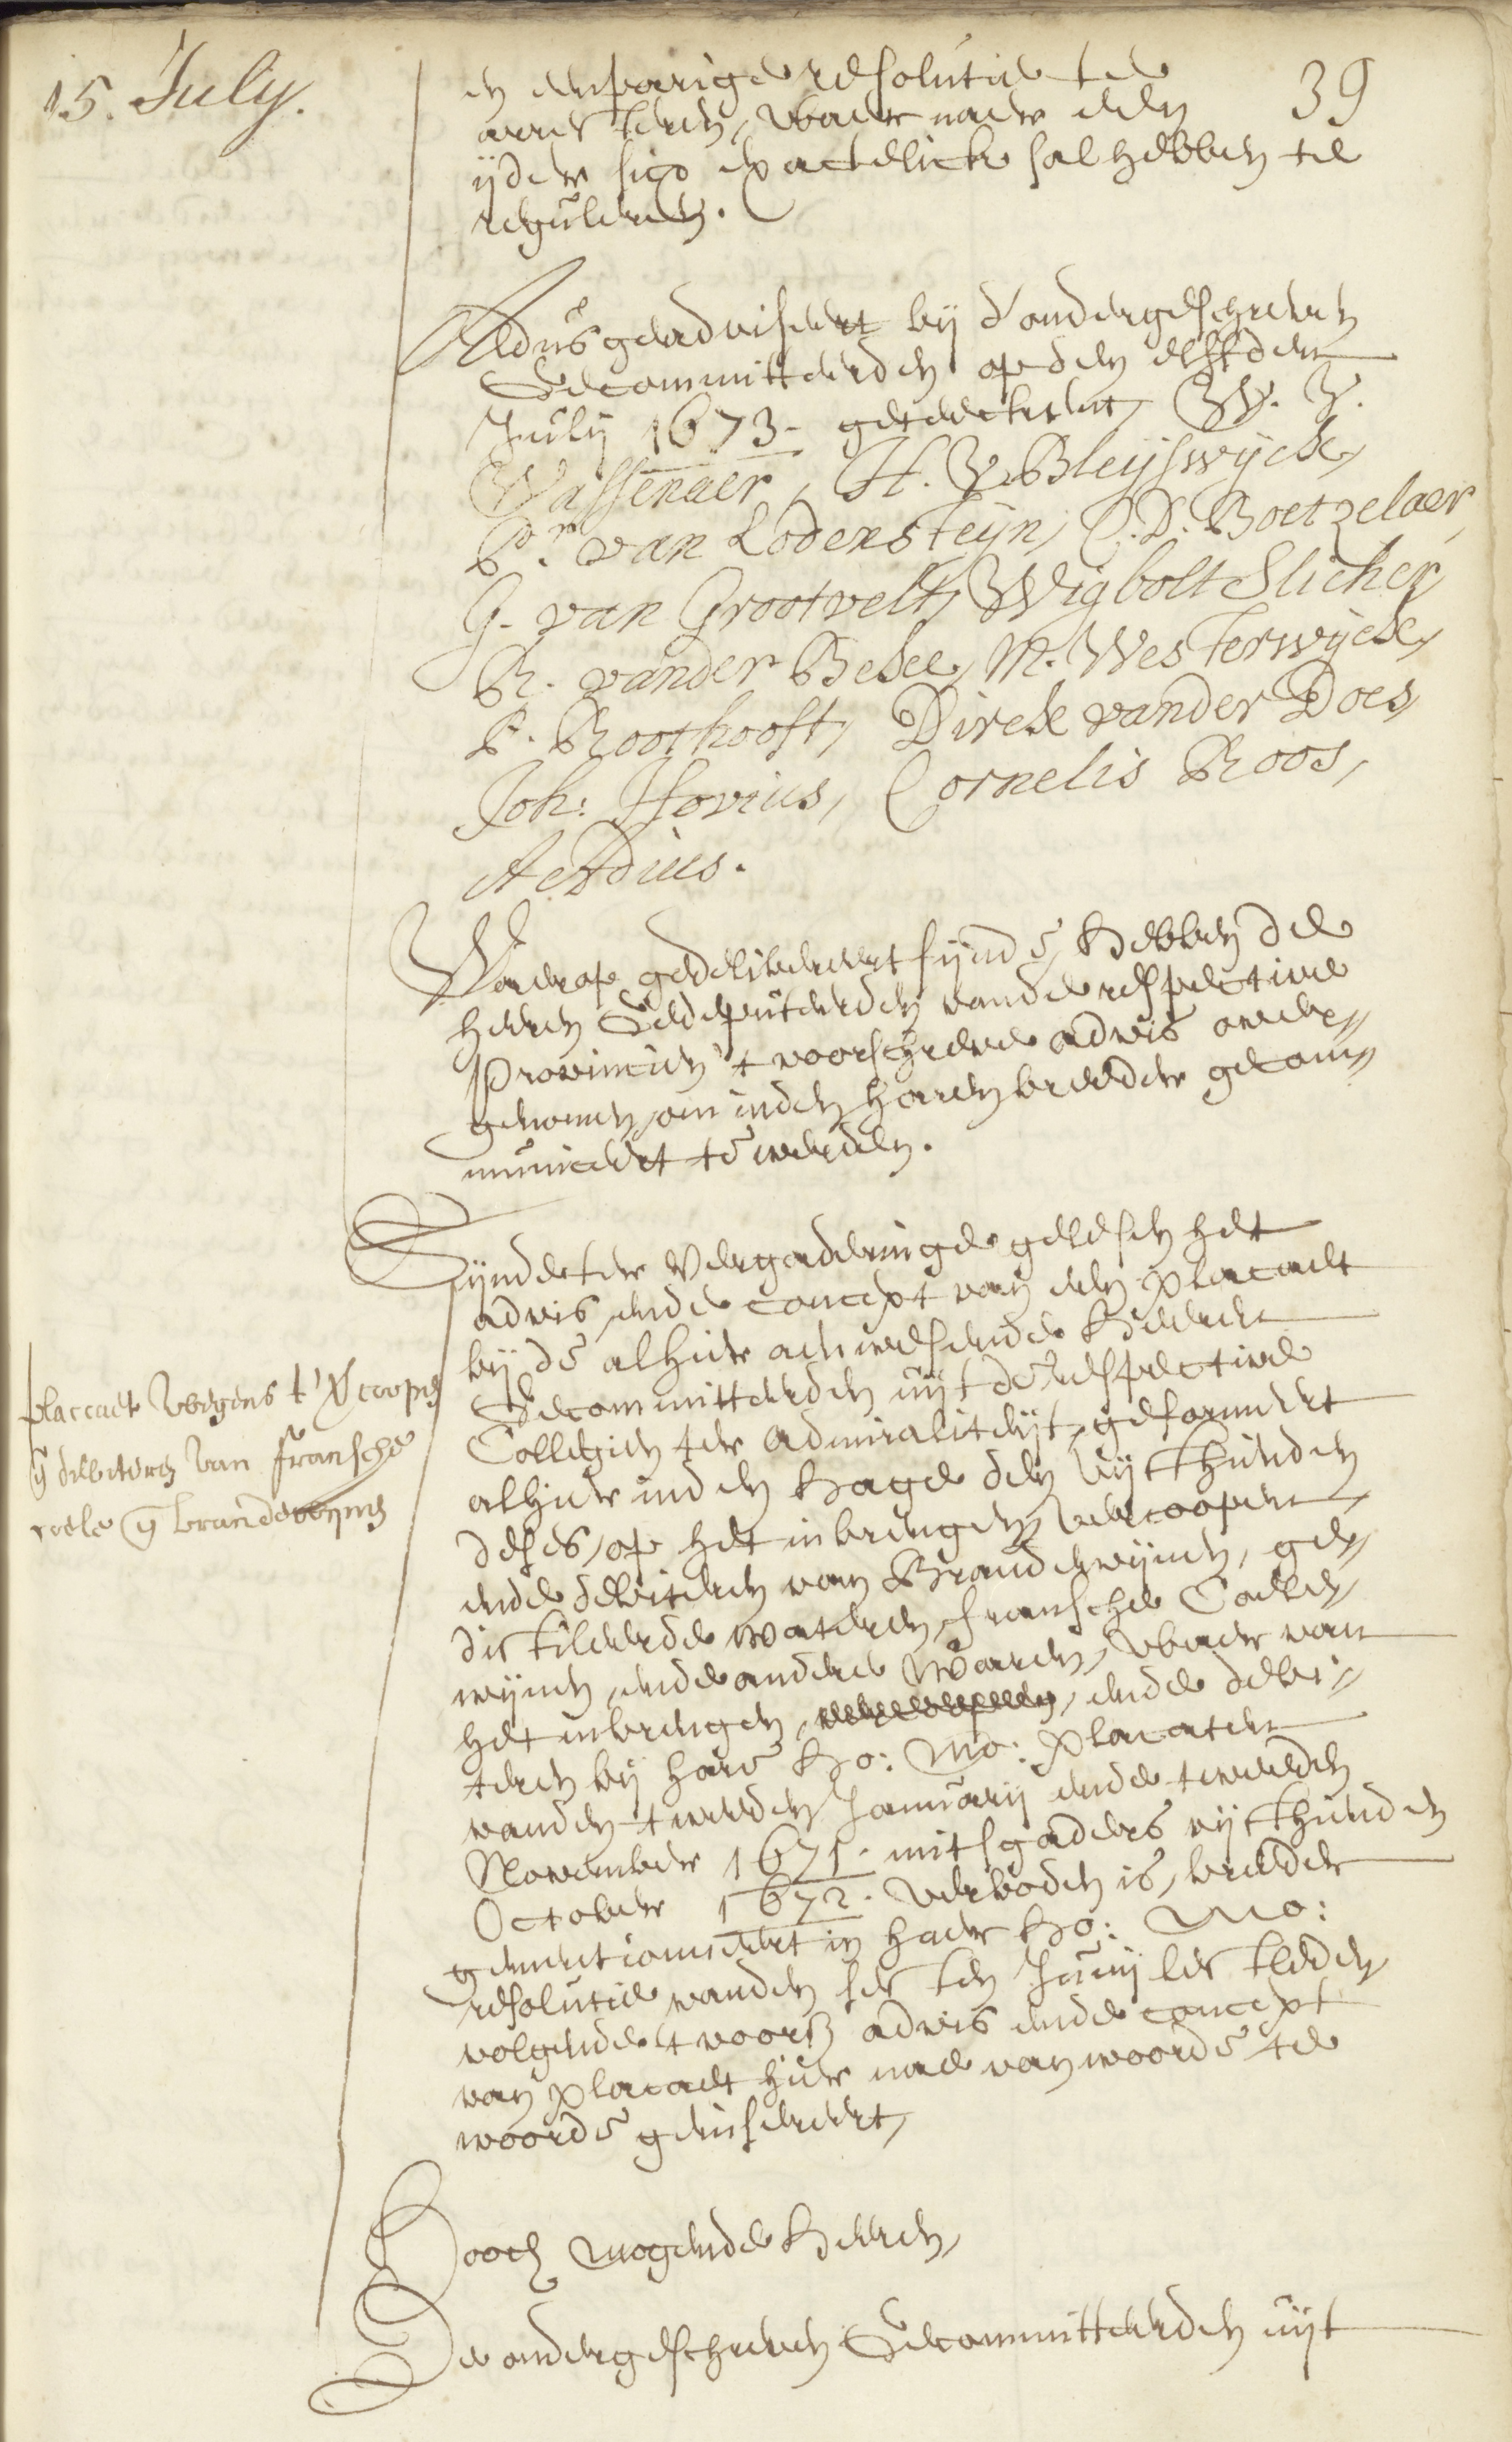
39
15. Julij.
en eenparige resolutie te
arresteren, waer naer een
ijder sich exactelick sal hebben te
reguleren.
Aldus geadviseert bij d'ondergeschreven
Gecommitteerden opden elffden
Julij 1673. geteeckent. W.J.
Wassenaer, H.V. Bleijswijck,
Pr van Lodensteijn, C.D. Boetzelaer
G. van Grootvelt, Wigbolt Slicher
R. vander Besel, M. Westerwijck,
P. Roothooft, Dirck vander Does,
Joh: Hovius, Cornelis Roos,
A Adius.
Waerop gedelibereert sijnde, hebben de
heeren Gedeputeerden vande respective
Provincien 't voorschreve advis over„
genomen, om inden haren breeder gecom„
municeert te werden.
placcaet wegens t' Vcoopen
& debiteren van fransche
coele & brandewynen
Sijnde ter Vergaderinge gelesen het
advis, ende concept van een placaet
bij de alhier aenwesende Heeren
Gecommitteerden uijt de respective
Collegien ter Admiraliteijt, geformeert
alhier inden Hage den vijfthienden
deses, op het inbrengen, vercoopen
ende debiteren van Brandewijnen, ge,,
distileerde wateren, Fransche Coele,,
wijnen, ende andere Waren, waer van
het inbringen, vercoopen, ende debi„
teren bij hare Ho:Mo: Placaten
vanden tweeden Januarij ende tweeden
November 1671. mitsgaders vijfthienden
October 1672. verboden is, breeder
gementionneert in haer Ho:Mo:
resolutie vanden sesten Junij lestleden,
volgende ‛t voors advis ende concept
van placaet hier nae van woorde te
woorde geinsereert.
Hooch mogende Heeren,
De ondergeschreven Gecommitteerden uijt
